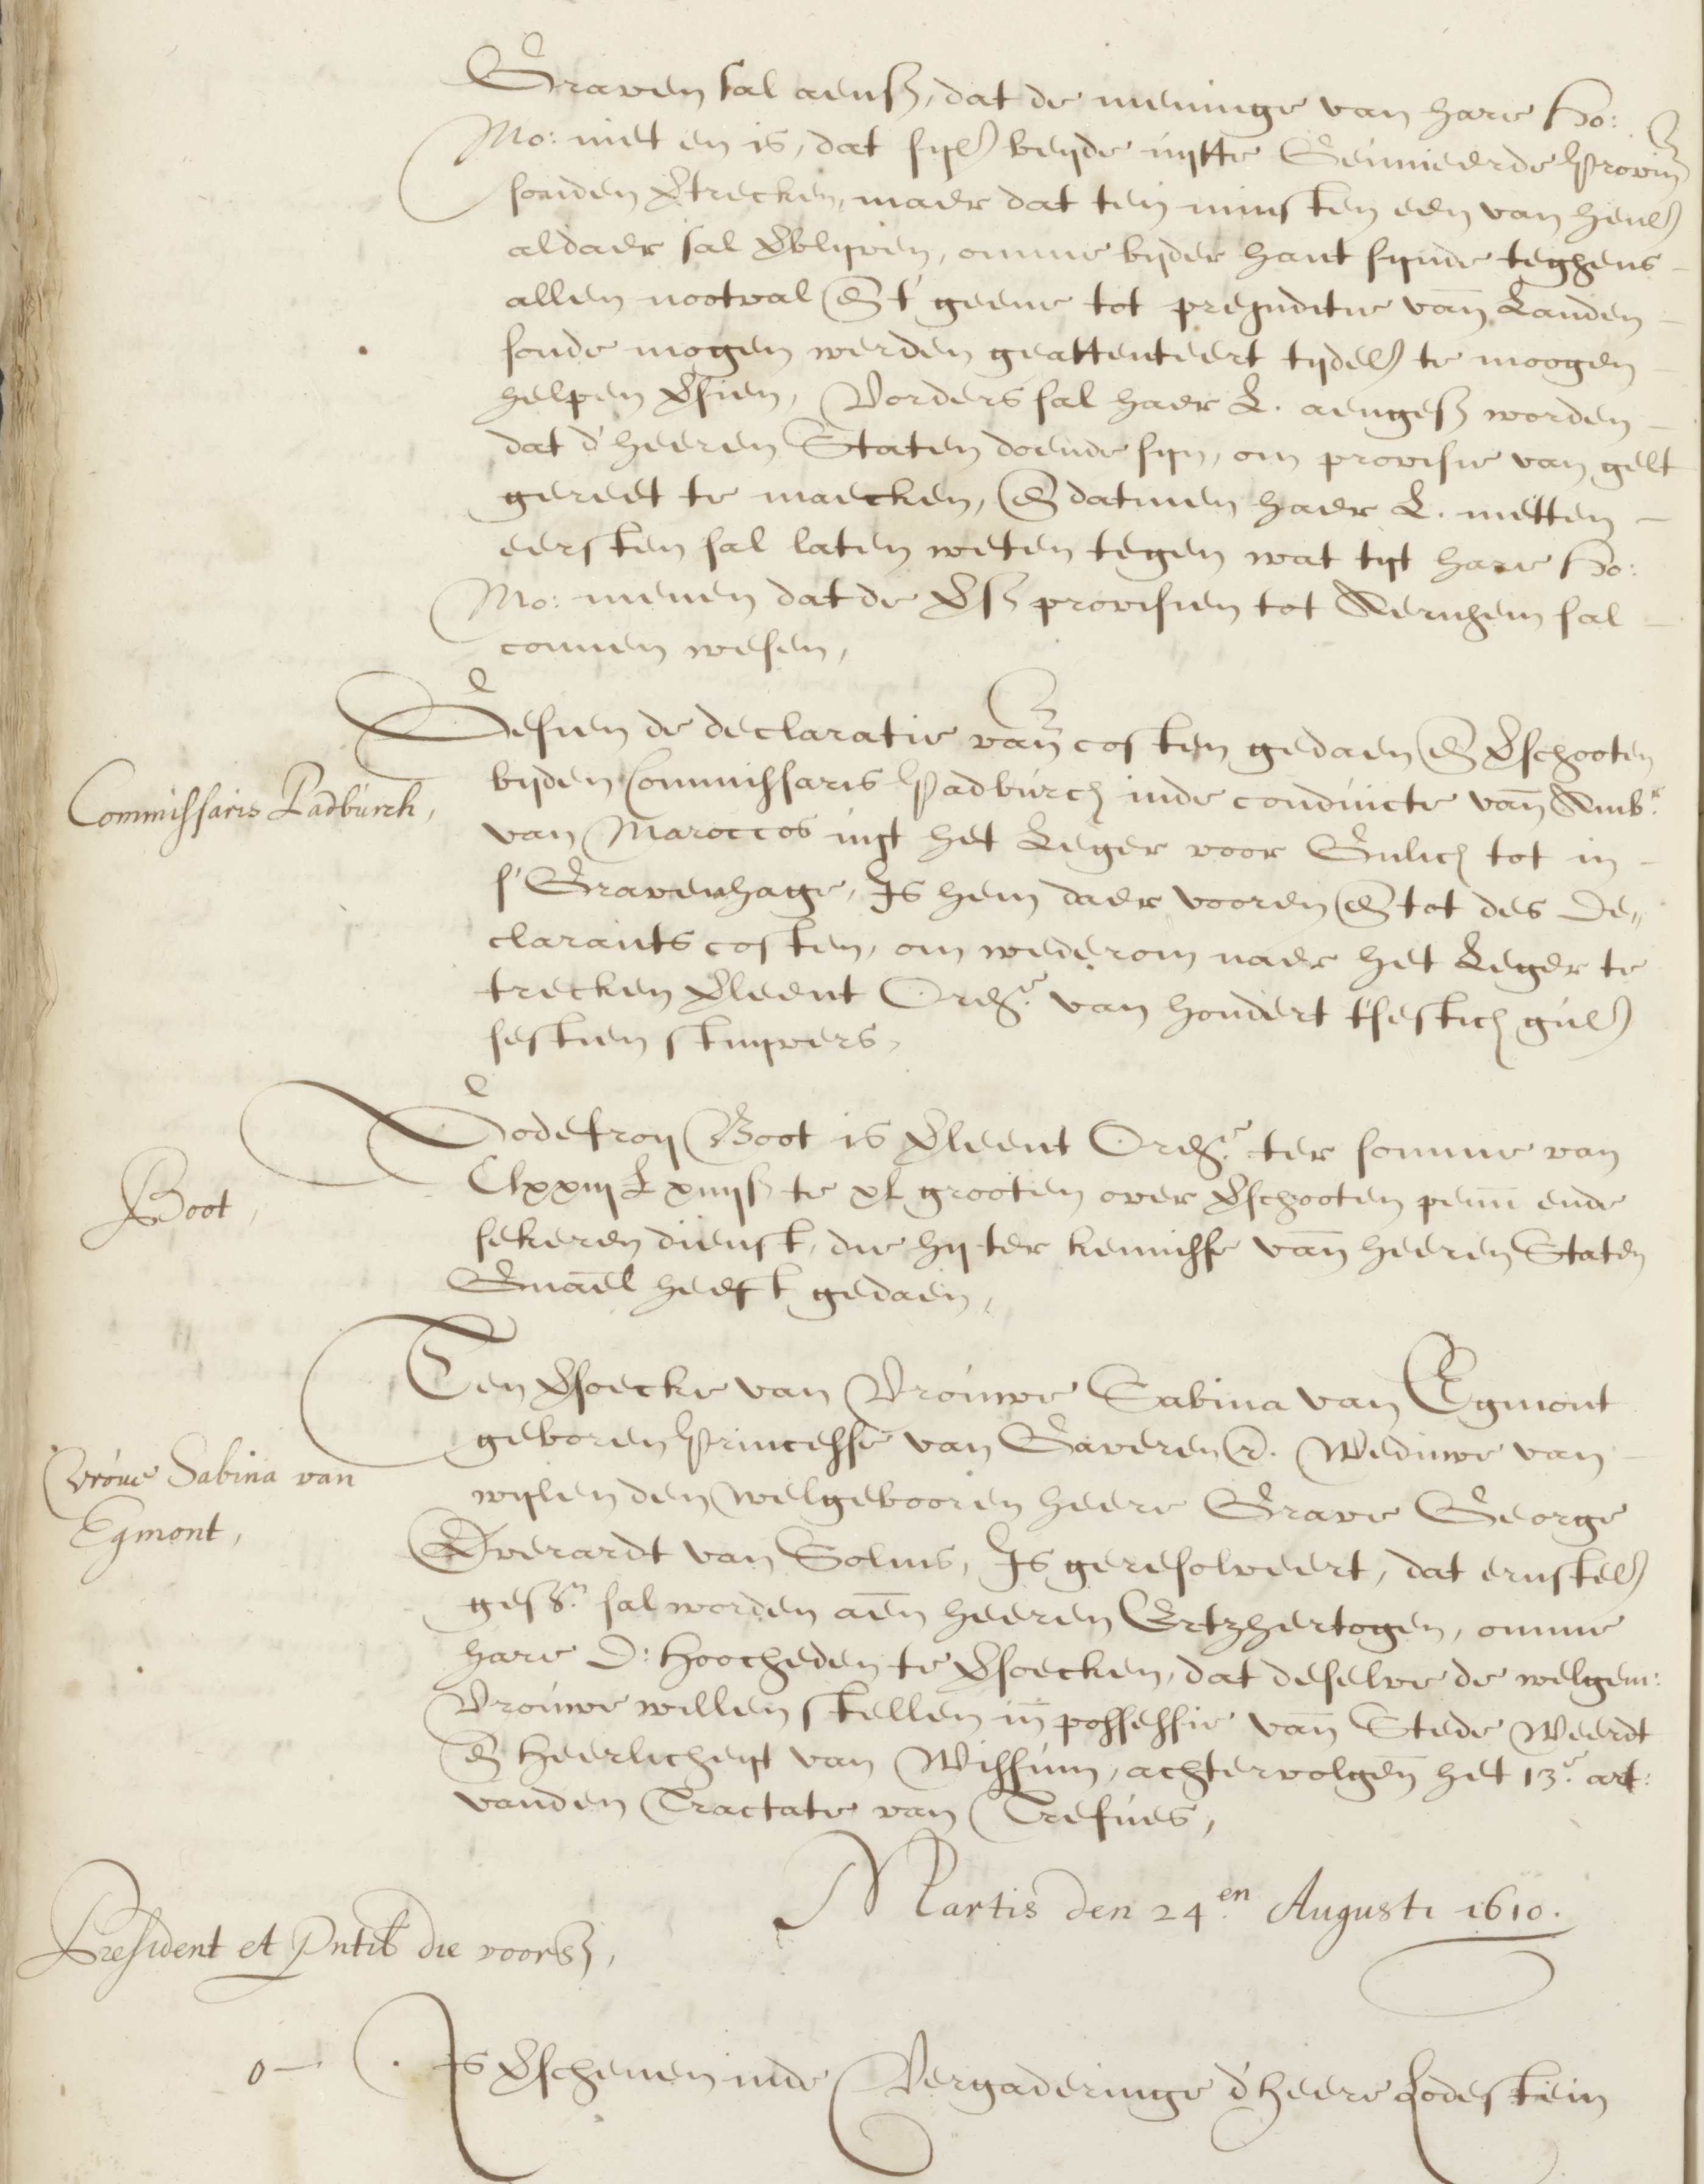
Graven sal aens, dat de meninge van hare Ho:
Mo: niet en is, dat syl beyde uytte Geunieerde Provin
souden vtrecken, maer dat ten minsten een van henl
aldaer sal vblyven, omme byder hant sijnde teghens
allen nootval & t'geene tot prejuditie van Landen
soude mogen werden geattenteert tydel te moogen
helpen vsien, Vorders sal haer L. aenges worden
dat d'heeren Staten doende syn, om provisie van gelt
gereet te maecken, & datmen haer L. metten
eersten sal laten weten tegen wat tijt hare Ho:
Mo: menen dat de vs provisien tot Aernhem sal
connen wesen.
Commissaris Padburch,
Gesien de declaratie van costen gedaen & vschooten
byden commissaris Padburch inde conduicte van Ambr.
van Maroccos uijt het Leger voor Gulich tot in -
s'Gravenhage, Is hem daer vooren & tot des De„
clarants costen, om wederom naer het Leger te
trecken vleent Orde van hondert tsestich gul
sestien stuyvers,
Boot
Godefroy Boot is vleent Orde. ter somme van
Clxxiij L xiiijß te xl grooten over vschooten penn ende
sekeren dienst, die hy ter kennisse van heeren Staten
Gnael heeft gedaen.
Vroue Sabina van
Egmont.
Ten vsoecke van Vrouwe Sabina van Egmont
geboren Princesse van Gaveren @. Weduwe van
wylen den welgebooren heere Grave George
Everardt van Solms, Is geresolveert, dat ernstel
ges. sal worden aen heeren Ertzhertogen, omme
hare D:Hoocheden te vsoecken, dat deselve de welgem:
Vrouwe willen stellen in possessie van Stede Weerdt
& heerlicheijt van Wissum, achtervolgen het 13e art:
vanden Tractate van Trefues,
Martis den 24en Augusti 1610.
President et Pntib die voors,
0—
Is vschenen inde Vergaderinge d'heere Lodestein
